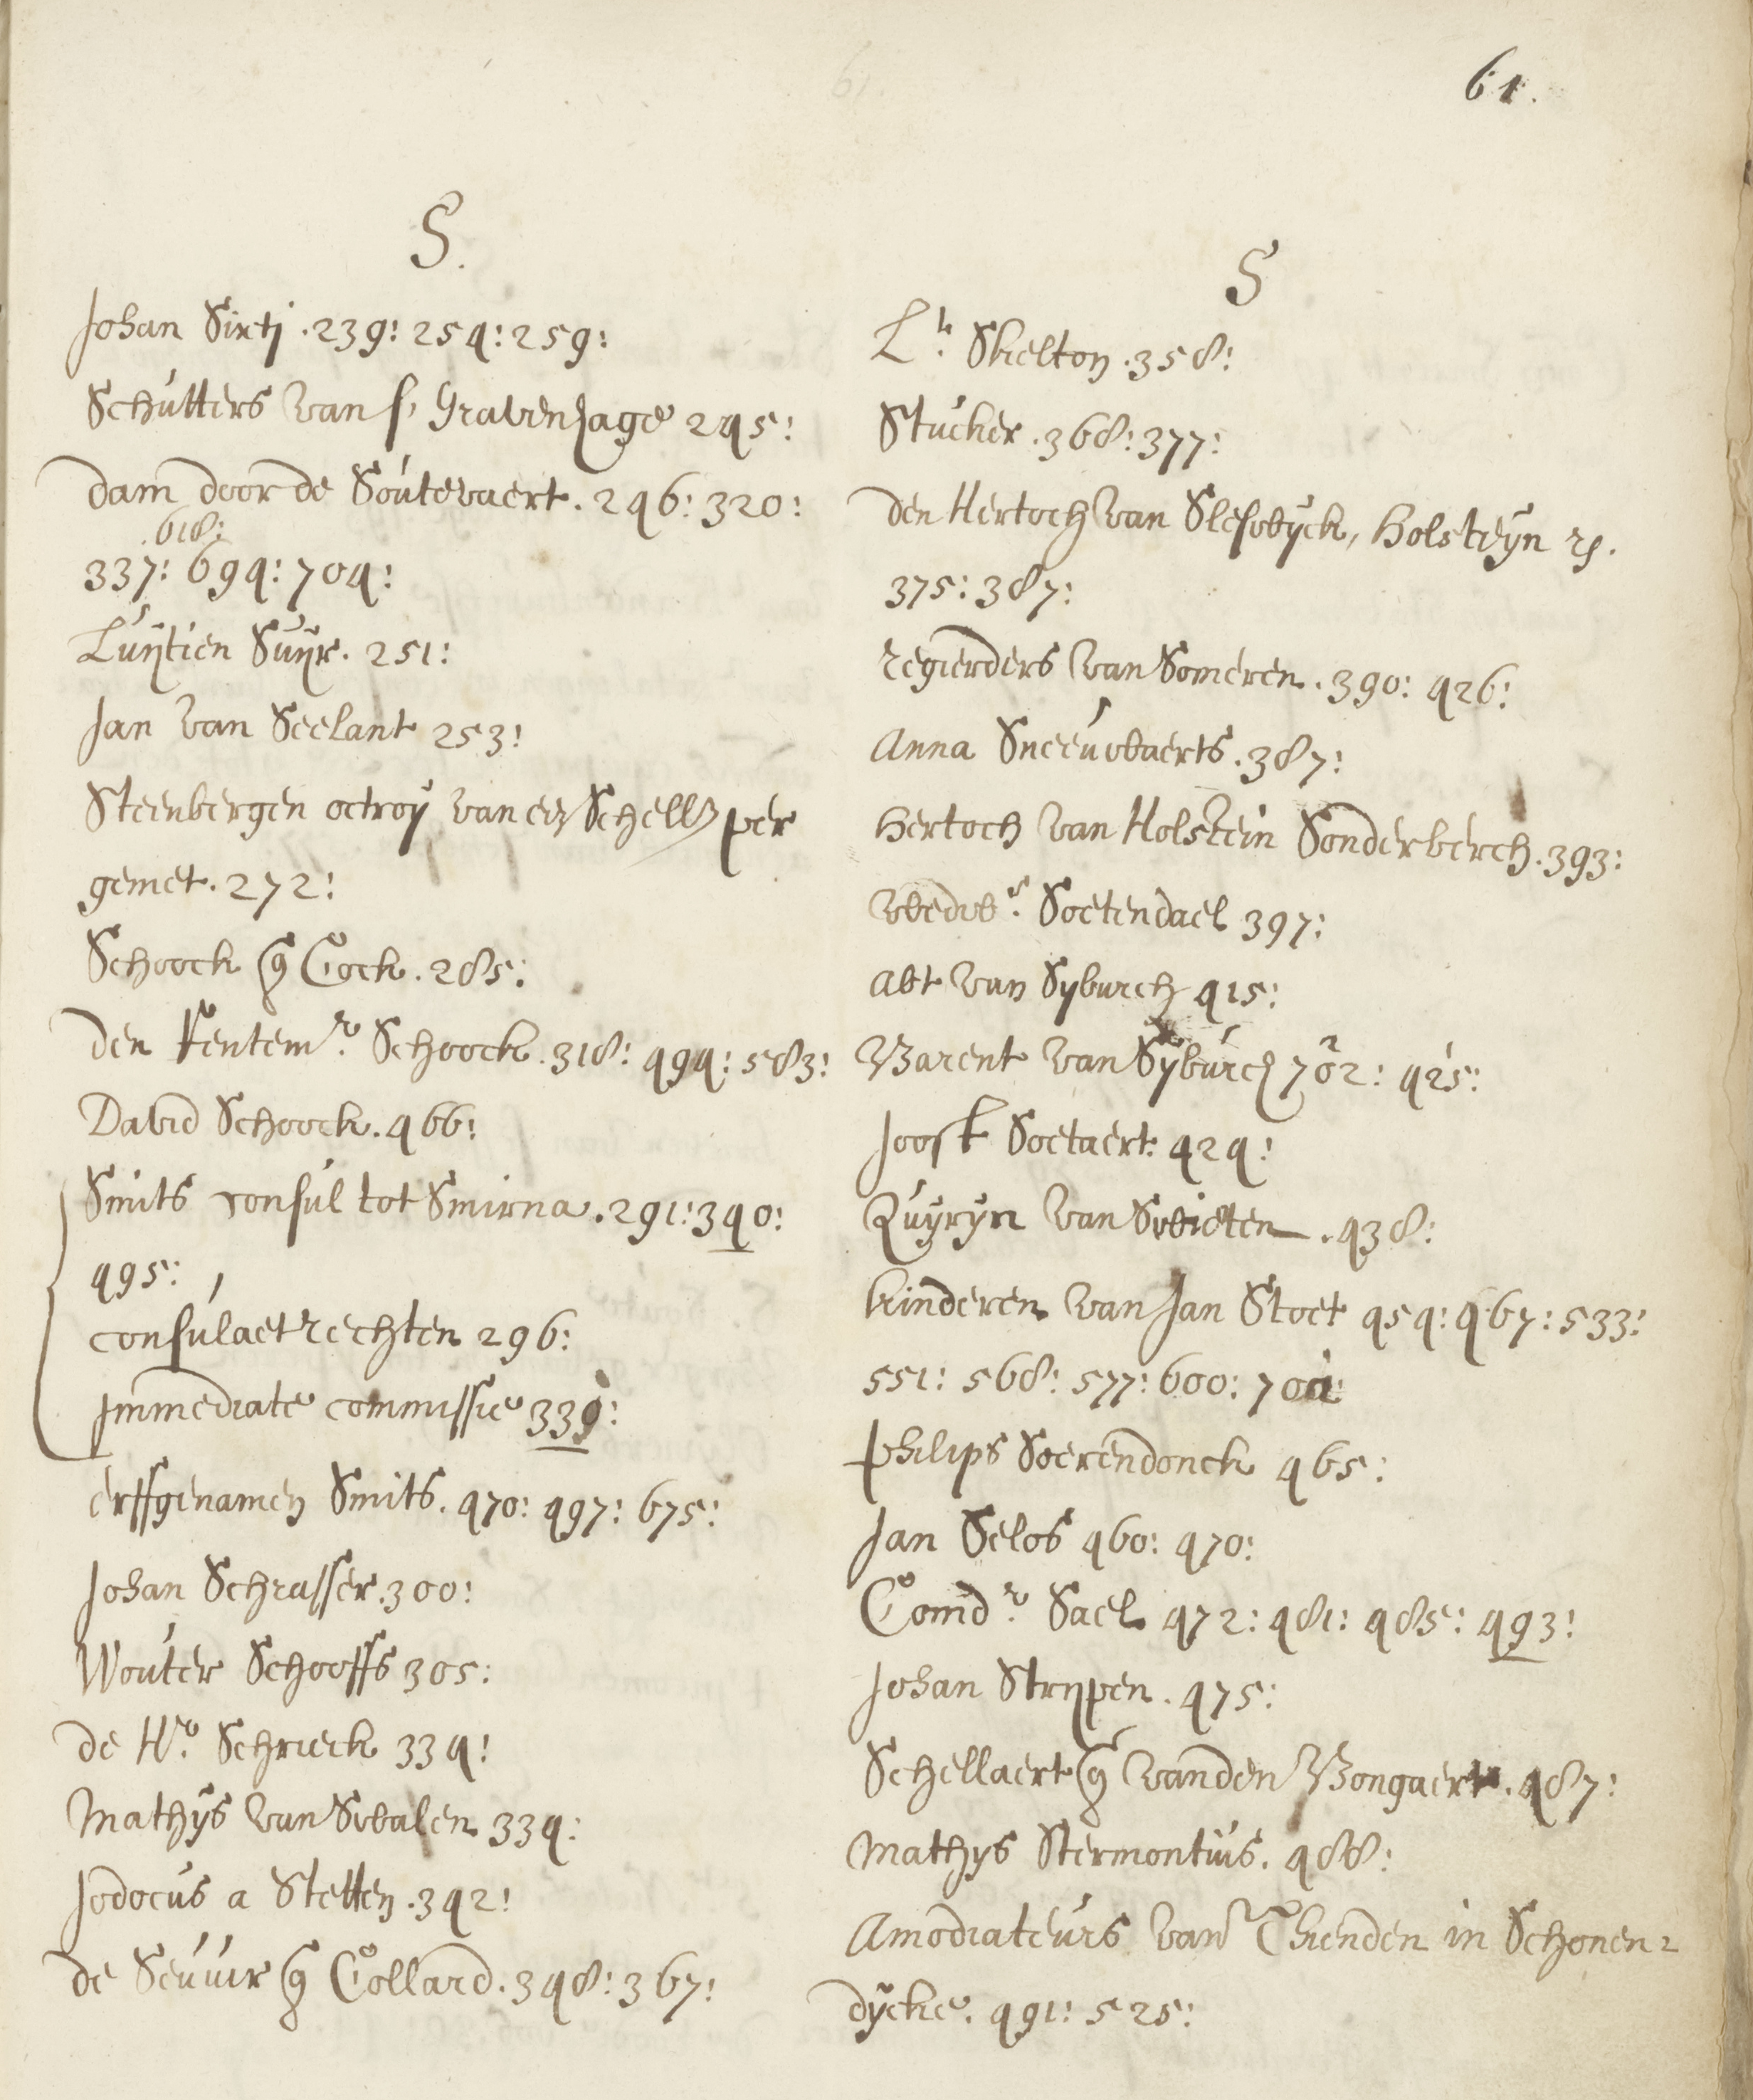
61.
S.
Johan Sixti. 239: 254: 259:
Schutters van s' Gravenhage 245:
dam door de Soutevaert. 246: 320:
618:
337: 694: 704:
Luijtien Suijr. 251:
Jan van Seelant 253:
Steenbergen octroij van een schellen per
gemet. 272:
Schoock Ca. Cock. 285:
den Rentemr. Schoock. 318: 494: 583:
David Schoock. 466:
Smits consul tot Smirna. 291: 340:
495:
consulaetrechten 296:
immediate commissie 339:
Erffgenamen Smits. 470: 497: 675:
Johan Schrasser. 300:
Wouter Schooffs 305:
de Hr. Schrieck 334:
Mathijs van Swalen 334:
Jodocus a Stetten. 342:
de Seuuir Ca. Collard. 348: 367:
S
Lt. Skelton. 358:
Stucker. 368: 377:
den Hertoch van Sleswijck, Holsteijn @.
375: 387:
regierders van Someren. 390: 426:
Anna Sneeuwaerts. 387:
hertoch van Holstein Sonderberch. 393:
Wedwe. Soetendael 397:
Abt van Syburch 415:
Barent van Sijburch 7022: 4215:
Joost Soetaert. 424:
Quijrijn van Swieten. 438:
kinderen van Jan Stoet 454: 467: 533:
551: 568: 577: 600: 701:
Philips Soerendonck 465:
Jan Selos 460: 470:
Comdr. Sael 472: 481: 485: 493:
Johan Strypen. 475:
Schellaert Ca. vanden Bongaert. 487:
Mathys Stermontius. 488:
Amodiateurs van Thienden in Schonen=
dijcke. 491: 525:
